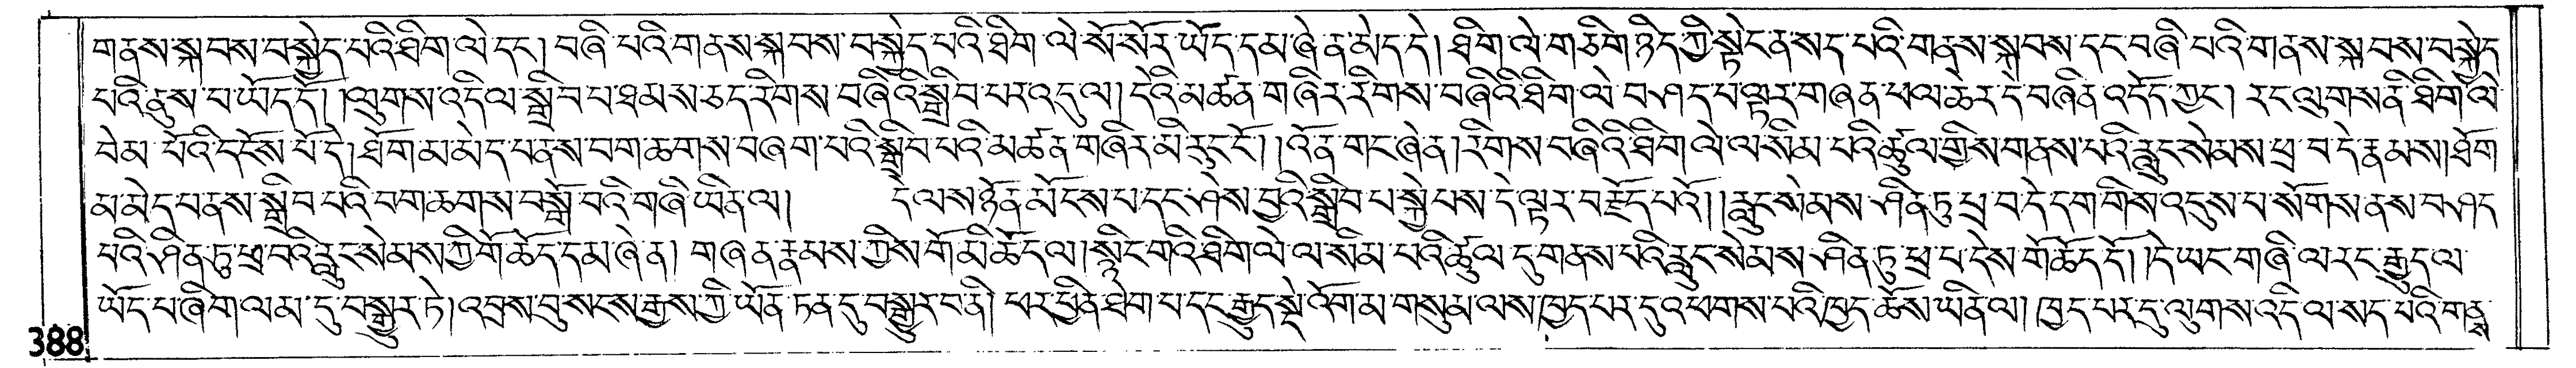གནས་སྐབས་བསྐྱེད་པའི་ཐིག་ལེ་དང་། བཞི་པའི་གནས་སྐབས་བསྐྱེད་པའི་ཐིག་ལེ་སོ་སོར་ཡོད་དམ་ཞེ་ན་མེད་དེ། ཐིག་ལེ་གཅིག་ཉིད་ཀྱི་སྟེང་ན་སད་པའི་གནས་སྐབས་དང་བཞི་པའི་གནས་སྐབས་བསྐྱེད་
པའི་ནུས་པ་ཡོད་དོ། །ལུགས་འདི་ལ་སྒྲིབ་པ་ཐམས་ཅད་རིགས་བཞིའི་སྒྲིབ་པར་འདུ་ལ། དེའི་མཚན་གཞིར་རིགས་བཞིའི་ཐིག་ལེ་བཤད་པ་ལྟར་གཞན་ཕལ་ཆེར་དེ་བཞིན་འདོད་ཀྱང་། རང་ལུགས་ནི་ཐིག་ལེ་
བེམ་པོའི་དངོས་པོ་དེ། ཐོག་མ་མེད་པ་ནས་བག་ཆགས་བཞག་པའི་སྒྲིབ་པའི་མཚན་གཞིར་མི་རུང་ངོ། །འོ་ན་གང་ཞེ་ན། རིགས་བཞིའི་ཐིག་ལེ་ལ་སིམ་པའི་ཚུལ་གྱིས་གནས་པའི་རླུང་སེམས་ཕྲ་བ་དེ་རྣམས། ཐོག་
མ་མེད་པ་ནས་སྒྲིབ་པའི་བག་ཆགས་བསྒོ་བའི་གཞི་ཡིན་ལ། དེ་ལས་ཉོན་མོངས་པ་དང་ཤེས་བྱའི་སྒྲིབ་པ་སྐྱེ་པས་དེ་ལྟར་བརྗོད་པའོ། །རླུང་སེམས་ཤིན་ཏུ་ཕྲ་བ་དེ་དག་གིས་འདུས་པ་སོགས་ནས་བཤད་
པའི་ཤིན་ཏུ་ཕྲ་བའི་རླུང་སེམས་ཀྱི་གོ་ཆོད་དམ་ཞེ་ན། གཞན་རྣམས་ཀྱིས་གོ་མི་ཆོད་ལ། སྙིང་གའི་ཐིག་ལེ་ལ་སིམ་པའི་ཚུལ་དུ་གནས་པའི་རླུང་སེམས་ཤིན་ཏུ་ཕྲ་བ་དེས་གོ་ཆོད་དོ། །དེ་ཡང་གཞི་ལ་རང་རྒྱུད་ལ་
ཡོད་པ་ཞིག་ལམ་དུ་བསྒྱུར་ཏེ། འབྲས་བུ་སངས་རྒྱས་ཀྱི་ཡོན་ཏན་དུ་བསྒྱུར་བ་ནི། ཕར་ཕྱིན་ཐེག་པ་དང་རྒྱུད་སྡེ་འོག་མ་གསུམ་ལས་ཁྱད་པར་དུ་འཕགས་པའི་ཁྱད་ཆོས་ཡིན་ལ། ཁྱད་པར་དུ་ལུགས་འདི་ལ་སད་པའི་གནས་